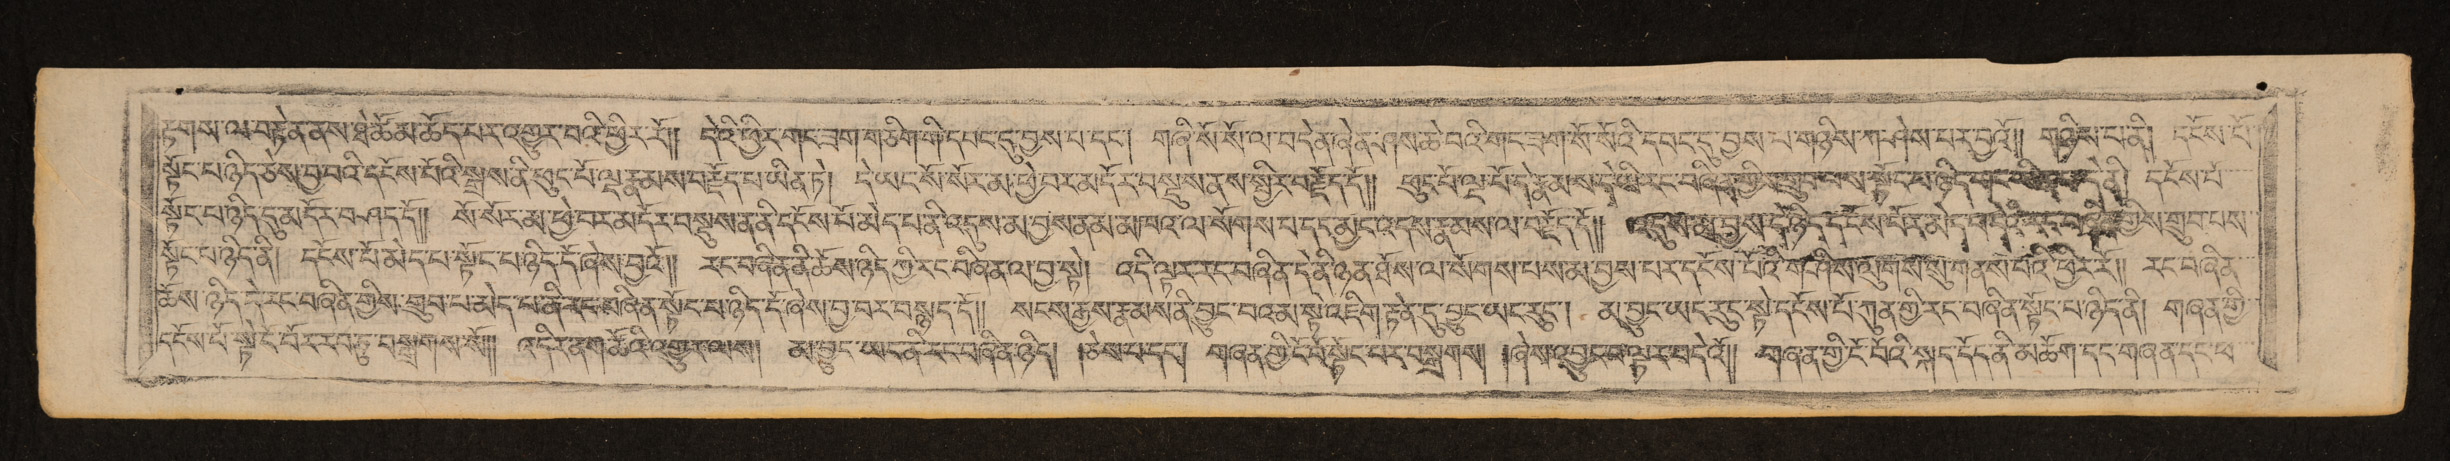རྟགས་ལ་བརྟེན་ནས་ཐེ་ཚོམ་ཆོད་པར་འགྱུར་བའི་ཕྱིར་རོ།། དེའི་ཕྱིར་གང་ཟག་གཅིག་གི་དབང་དུ་བྱས་པ་དང་། གཞི་སོ་སོ་ལ་བདེན་ཞེན་ཤས་ཆེ་བའི་གང་ཟག་སོ་སོའི་དབང་དུ་བྱས་པ་གཉིས་ཀ་ཤེས་པར་བྱའོ།། གཉིས་པ་ནི། དངོས་པོ་
སྟོང་པ་ཉིད་ཅེས་བྱ་བའི་དངོས་པོའི་སྒྲས་ནི་ཕུང་པོ་ལྔ་རྣམས་བརྗོད་པ་ཡིན་ཏེ། དེ་ཡང་སོ་སོར་མ་ཕྱེ་བར་མདོར་བསྡུས་ནས་སྤྱིར་བརྗོད་དོ།། ཕུང་པོ་ལྔ་པོ་དེ་རྣམས་དེ་ཡི་རང་བཞིན་གྱིས་གྲུབ་པས་སྟོང་པ་ཉིད་གང་ཡིན་པ་དེ་ནི། དངོས་པོ་
སྟོང་པ་ཉིད་དུ་མདོར་བཤད་དོ།། སོ་སོར་མ་ཕྱེ་བར་མདོར་བསྡུས་ན་ནི་དངོས་པོ་མེད་པ་ནི་འདུས་མ་བྱས་ནམ་མཁའ་ལ་སོགས་པ་དང་མྱང་འདས་རྣམས་ལ་བརྗོད་དོ།། འདུས་མ་བྱས་དེ་ཉིད་དངོས་པོར་མེད་པ་དེའི་རང་བཞིན་གྱིས་གྲུབ་པས་
སྟོང་པ་ཉིད་ནི། དངོས་པོ་མེད་པ་སྟོང་པ་ཉིད་དོ་ཞེས་བྱའོ།། རང་བཞིན་ནི་ཆོས་ཉིད་ཀྱི་རང་བཞིན་ལ་བྱ་སྟེ། འདི་ལྟར་རང་བཞིན་དེ་ནི་ཉན་ཐོས་ལ་སོགས་པས་མ་བྱས་པར་དངོས་པོའི་གཤིས་ལུགས་སུ་གནས་པའི་ཕྱིར་རོ།། རང་བཞིན་
ཆོས་ཉིད་དེ་རང་བཞིན་གྱིས་གྲུབ་པ་མེད་པ་ནི་རང་བཞིན་སྟོང་པ་ཉིད་དོ་ཞེས་བྱ་བར་སྙད་དོ།། སངས་རྒྱས་རྣམས་ནི་བྱུང་བའམ་སྟེ་འཇིག་རྟེན་དུ་འབྱུང་ཡང་རུང་། མ་བྱུང་ཡང་རུང་སྟེ་དངོས་པོ་ཀུན་གྱི་རང་བཞིན་སྟོང་པ་ཉིད་ནི། གཞན་གྱི་
དངོས་པོ་སྟེ་ངོ་བོར་རབ་ཏུ་བསྒྲགས་སོ།། འདིར་ནག་ཚོའི་འགྱུར་ལས། མ་བྱུང་ཡང་ནི་རང་བཞིན་ཉིད། །ཅེས་པ་དང་། གཞན་གྱི་ངོ་བོ་སྟོང་པར་བསྒྲགས། །ཞེས་འབྱུང་བ་ལྟར་བདེའོ།། གཞན་གྱི་ངོ་བོའི་སྐད་དོད་ནི་མཆོག་དང་གཞན་དང་ཕ་